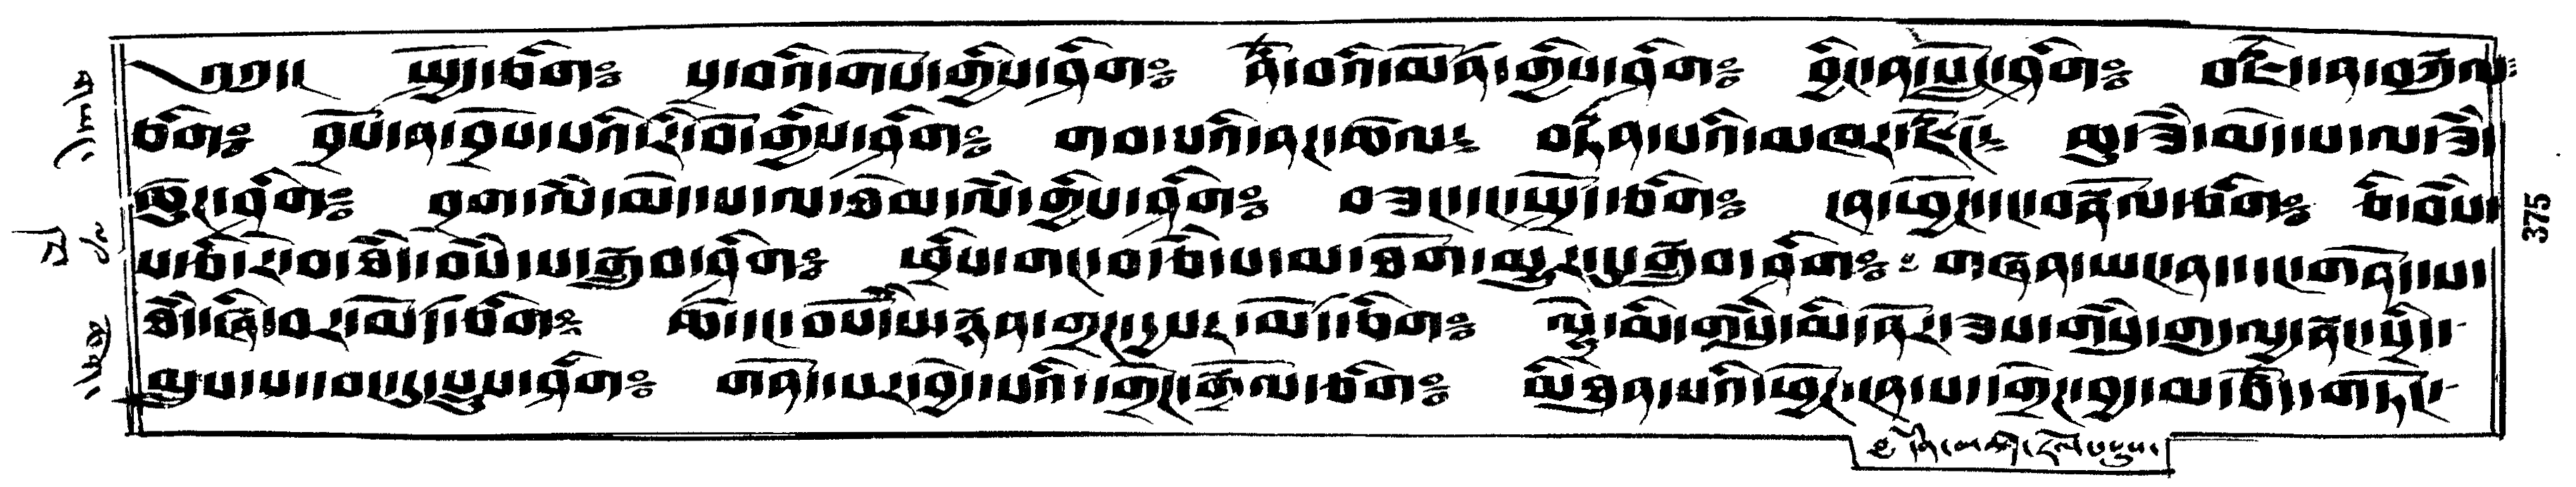སྤྱོད་ཅིག༔ སྲ་བའི་གོ་གྱིས་ཤིག༔ རྣོ་བའི་མཚོན་གྱིས་ཤིག༔ བྱིང་ན་སློངས་ཤིག༔ བརྗེད་ན་སྐུལ་
ཞིག༔ བྲོས་ན་བྲོས་སའི་རི་བོ་གྱིས་ཤིག༔ གབ་པའི་ནག་ཚལ༴ བརྟན་པའི་མཁར་རྫོང༴ ཆུ་ཟམ་མེད་པ་ལ་ཟམ་
ཚུགས་ཤིག༔ བྲག་ལམ་མེད་པ་ལ་ཐེམ་ལམ་གྱིས་ཤིག༔ བཟང་དང་སྤྲོད་ཅིག༔ ངན་ཕྱོགས་དང་བསྣོལ་ཞིག༔ ཅི་བསམ་
པ་ཅི་རེ་བ་ཐམས་ཅད་བསམ་པ་སྒྲུབ་ཤིག༔ ཕྲིན་ལས་གང་བརྩམ་པ་མ་ཐོགས་མྱུར་དུ་སྒྲུབས་ཤིག༔ གཞན་ཡང་ནད་དང་གནོད་པ་
ཐམས་ཅད་ཞི་བར་མཛོད་ཅིག༔ ཚེ་དང་བསོད་ནམས་སྙན་གྲགས་རྒྱས་པར་མཛོད་ཅིག༔ ལྷ་འདྲེ་མི་གསུམ་མི་ནོར་ཟས་གསུམ་གདུལ་བྱ་སྣང་སྲིད་མ་
ལུས་པ་དབང་དུ་སྡུས་ཤིག༔ གནོད་པར་བྱེད་པའི་དགྲ་བགེགས་སྒྲོལ་ཞིག༔ མི་མཐུན་པའི་ཕྱོགས་ངན་པ་དགྲ་བགེགས་བྱད་མ་རྦོད་གཏོང་